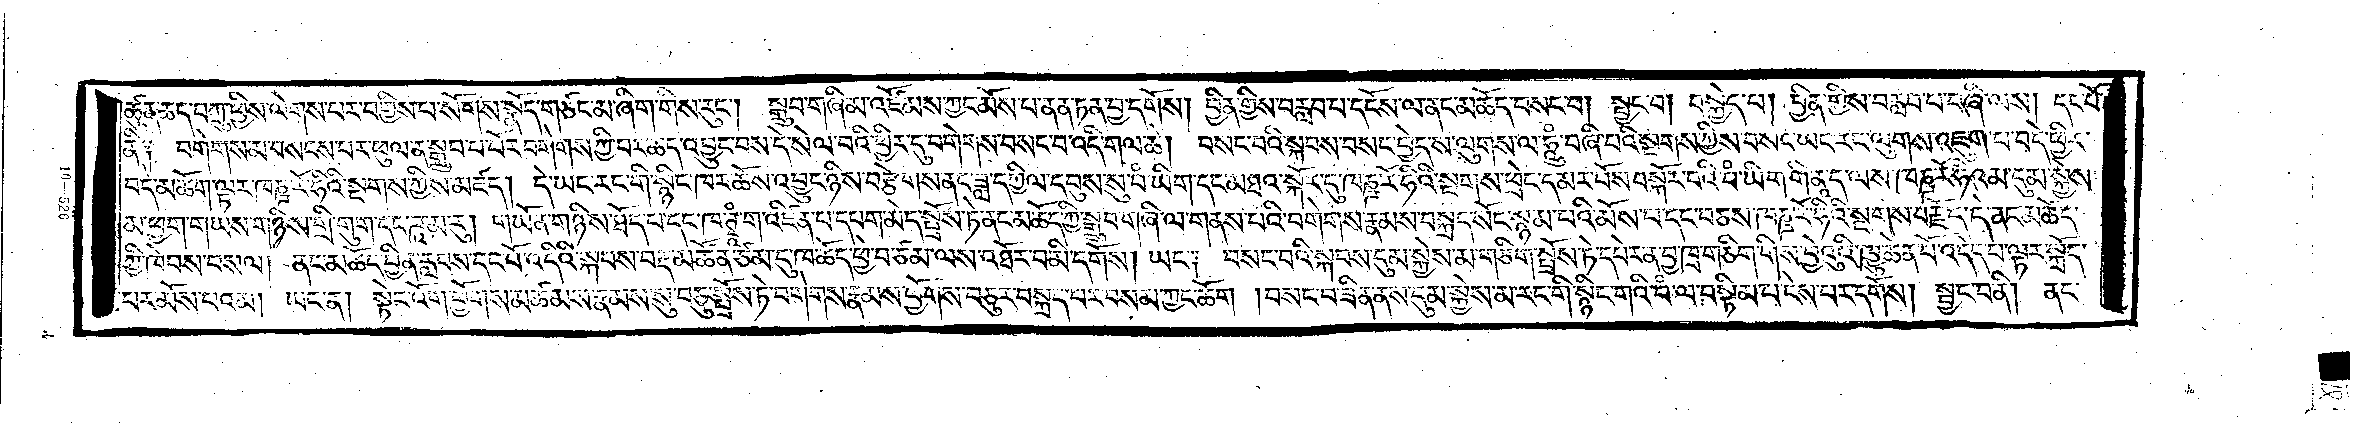ཚུན་ཆད་བཀྲུ་ཕྱིས་ལེགས་པར་བགྱིས་པ་སོགས་སྣོད་གཙང་མ་ཞིག་གིས་རུང་། སྒྲུབ་གཞི་མ་འཛོམས་ཀྱང་མོས་པ་ནན་ཏན་བྱ་དགོས། བྱིན་གྱིས་བརླབ་པ་དངོས་ལ་ནང་མཆོད་བསང་བ། སྦྱང་བ། བསྐྱེད་བ། བྱིན་གྱིས་བརླབ་པ་བཞི་ལས། དང་པོ་
ནི༑ བགེགས་མ་བསངས་པར་ཕུལ་ན་སྤྲུབ་པ་པོར་བགེགས་ཀྱི་བར་ཆད་འབྱུང་བས་དེ་སེལ་བའི་ཕྱིར་དུ་བགེགས་བསང་བ་འདི་གལ་ཆེ། བསང་བའི་སྐབས་བསང་བྱེད་ས་ལུགས་ལ་ཧཱུཾ་བཞི་པའི་སྔགས་ཀྱིས་བསང་ཡང་རང་ལུགས་འཇུག་པ་བདེ་ཕྱིར་
བདེ་མཆོག་ལྟར་ཁཎྜ་རོ་ཧིའི་སྔགས་ཀྱིས་མཛད། དེ་ཡང་རང་གི་སྙིང་ཁར་ཆོས་འབྱུང་ཉིས་བརྩེགས་ནང་ཟླ་དཀྱིལ་དབུས་སུ་བཾ་ཡིག་དང་མཐའ་སྐོར་དུ་ཁཎྜ་རོ་ཧིའི་སྔགས་ཕྲེང་དམར་པོས་བསྐོར་བའི་བཾ་ཡིག་གི་ནཱ་ད་ལས་ཁཎྜ་རོ་ཧེའམ་དུ་མ་སྐྱེས་
མ་ཕྱག་གཡས་གཉིས་གྲི་གུག་དང་ཌཱ་མ་རུ། གཡོན་གཉིས་ཐོད་པ་དང་ཁ་ཊའཾ་ག་འཛིན་པ་དཔག་མེད་སྤྲོས་ཏེ་ནང་མཆོད་ཀྱི་སྒྲུབ་གཞི་ལ་གནས་པའི་བགེགས་རྣམས་བསྐྲད་སོང་སྙམ་པའི་མོས་པ་དང་བཅས་ཁཎྜ་རོ་ཧིའི་སྔགས་བརྗོད་དེ་ནང་མཆོད་
ཀྱི་ཁེ་པས་བསལ། ནང་མཆོད་བྱིན་རླབས་དང་པོ་འདིའི་སྐབས་བརྡ་མཚོན་ཙམ་དུ་ཁ་ཆོད་ཕྱེ་བ་ཙམ་ལས་འཐོར་བ་མི་དགོས། ཡང༑ བསང་བའི་སྐབས་དུ་མ་སྐྱེས་མ་གཅིག་སྤྲོས་ཏེ་དཔེར་ན་བྱ་ཁྲ་གཅིག་གིས་བྱེའུའི་ཁྱུ་ཆེན་པོ་འདེད་པ་ལྟར་སྐྲོད་
པར་མོས་པའམ། ཡང་ན། སྟེང་འོག་ཕྱོགས་མཚམས་རྣམས་སུ་བཅུ་སྤྲོས་ཏེ་བགེགས་རྣམས་ཕྱོགས་བཅུར་བསྐྲད་པར་བསམ་ཀྱང་ཆོག །བསང་བ་ཟིན་ནས་དུ་མ་སྐྱེས་མ་རང་གི་སྙིང་གའི་པཾ་ལ་བསྟིམ་པ་ངེས་པར་དགོས། །སྦྱང་བ་ནི། ནང་